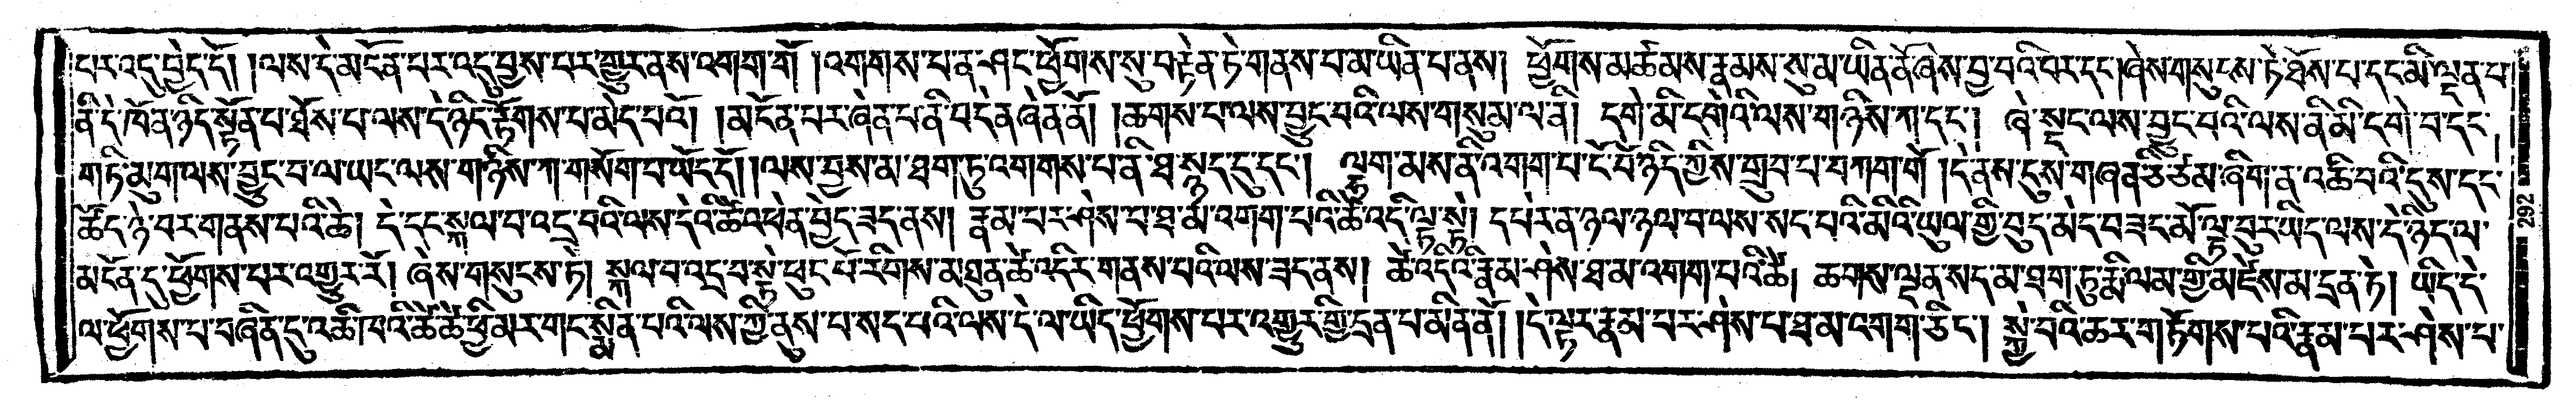པར་འདུ་བྱེད་དོ། །ལས་དེ་མངོན་པར་འདུ་བྱས་པར་གྱུར་ནས་འགག་གོ །འགགས་པ་ན་ཤར་ཕྱོགས་སུ་བརྟེན་ཏེ་གནས་པ་མ་ཡིན་པ་ནས། ཕྱོགས་མཚམས་རྣམས་སུ་མ་ཡིན་ནོ་ཞེས་བྱ་བའི་བར་དང་། ཞེས་གསུངས་ཏེ་ཐོས་པ་དང་མི་ལྡན་པ་
ནི་དེ་ཁོ་ན་ཉིད་སྟོན་པ་ཐོས་པ་ལས་དེ་ཉིད་རྟོགས་པ་མེད་པའོ། །མངོན་པར་ཞེན་པ་ནི་བདེན་ཞེན་ནོ། །ཆགས་པ་ལས་བྱུང་བའི་ལས་གསུམ་ལ་ནི། དགེ་མི་དགེའི་ལས་གཉིས་ཀ་དང་། ཞེ་སྡང་ལས་བྱུང་བའི་ལས་ནི་མི་དགེ་བ་དང་།
གཏི་མུག་ལས་བྱུང་བ་ལ་ཡང་ལས་གཉིས་ཀ་གསོག་པ་ཡོད་དོ། །ལས་བྱས་མ་ཐག་ཏུ་འགགས་པ་ནི་ཐ་སྙད་དུ་དང་། ལྷག་མས་ནི་འགག་པ་ངོ་བོ་ཉིད་ཀྱིས་གྲུབ་པ་བཀག་གོ །དེ་ནས་དུས་གཞན་ཅི་ཙམ་ཞིག་ན་འཆི་བའི་དུས་དང་
ཚོད་ཉེ་བར་གནས་པའི་ཚེ། དེ་དང་སྐལ་བ་འདྲ་བའི་ལས་དེའི་ཚེ་འཕེན་བྱེད་ཟད་ནས། རྣམ་པར་ཤེས་པ་ཐ་མ་འགག་པའི་ཚེ་འདི་ལྟ་སྟེ། དཔེར་ན་ཉལ་ཉལ་བ་ལས་སད་པའི་མིའི་ཡུལ་གྱི་བུད་མེད་བཟང་མོ་ལྟ་བུར་ཡིད་ལས་དེ་ཉིད་ལ་
མངོན་དུ་ཕྱོགས་པར་འགྱུར་རོ། ཞེས་གསུངས་ཏེ། སྐལ་པ་འདྲ་བ་སྟེ་ཕུང་པོ་རིགས་མཐུན་ཚེ་འདིར་གནས་པའི་ལས་ཟད་ནས། ཚེ་འདིའི་རྣམ་ཤེས་ཐ་མ་འགག་པའི་ཚེ། ཆགས་ལྡན་སད་མ་ཐག་ཏུ་རྨི་ལམ་གྱི་མཛེས་མ་དྲན་ཏེ། ཡིད་དེ་
ལ་ཕྱོགས་པ་བཞིན་དུ་འཆི་ཁའི་ཚེ་ཚེ་ཕྱི་མར་གང་སྨིན་པའི་ལས་ཀྱི་ནུས་པ་སད་པའི་ལས་དེ་ལ་ཡིད་ཕྱོགས་པར་འགྱུར་གྱི་དྲན་པ་མིན་ནོ། །དེ་ལྟར་རྣམ་པར་ཤེས་པ་ཐ་མ་འགག་ཅིང་། སྐྱེ་བའི་ཆར་གཏོགས་པའི་རྣམ་པར་ཤེས་པ་